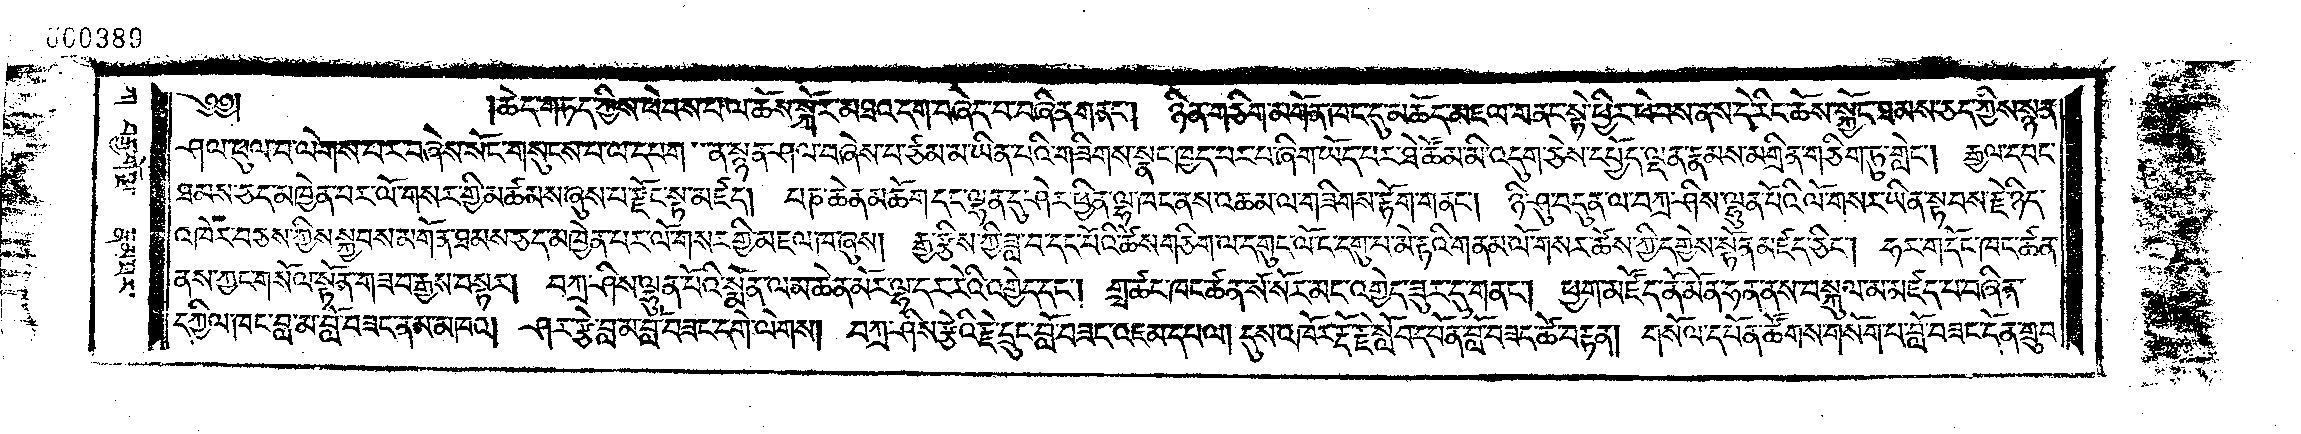༄༅། །ཆེད་གཏད་ཀྱིས་ཕེབས་བ་ལ་ཆོས་སྐོར་མཐའ་དག་བཞེད་པ་བཞིན་གནང་། ཉིན་གཅིག་མགོན་ཁང་དུ་མཆོད་མཇལ་གནང་སྟེ་ཕྱིར་ཕེབས་ནས་དེ་རིང་ཆོས་སྐྱོང་ཐམས་ཅད་ཀྱིས་སྙན་
ཤལ་ཕུལ་བ་ལེགས་པར་བཞེས་སོང་གསུངས་པ་ལ་དཔག་ན་སྙན་ཤལ་བཞེས་པ་ཙམ་མ་ཡིན་པའི་གཟིགས་སྣང་ཁྱད་པར་པ་ཞིག་ཡོད་པར་ཐེ་ཚོམ་མི་འདུག་ཅེས་དཔྱོད་ལྡན་རྣམས་མགྲིན་གཅིག་ཏུ་གླེང་། རྒྱལ་དབང་
ཐམས་ཅད་མཁྱེན་པར་ལོ་གསར་གྱི་མཚམས་ཞུས་པ་རྫོང་སྟ་མཛད། པཎ་ཆེན་མཆོག་དང་ལྷན་དུ་ཤེར་ཕྱིན་ལྷ་ཁང་ནས་འཆམ་ལ་གཟིགས་རྟོག་གནང་། ཉི་ཤུ་བདུན་ལ་བཀྲ་ཤིས་ལྷུན་པོའི་ལོ་གསར་ཡིན་སྟབས་རྗེ་ཉིད་
འཁོར་བཅས་ཀྱིས་སྐྱབས་མགོན་ཐམས་ཅད་མཁྱེན་བར་ལོ་གསར་གྱི་མཇལ་ཁ་ཞུས། རྒྱ་རྩིས་ཀྱི་ཟླ་བ་དང་པོའི་ཚེས་གཅིག་ལ་དགུང་ལོ་ང་དགུ་པ་མེ་རྟའི་གནམ་ལོ་གསར་ཆོས་ཀྱི་དགྱེས་སྟོན་མཛད་ཅིང་། ཧར་གདོང་ཁང་ཚན་
ནས་ཀྱང་གསོལ་སྟོན་གཟབ་རྒྱས་བསྟར། བཀྲ་ཤིས་ལྷུན་པོའི་སྨོན་ལམ་ཆེན་མོར་ལྷ་དར་རེའི་འགྱེད་དང་། གླ་ཚང་ཁང་ཚན་སོ་སོར་མང་འགྱེད་ཟུར་དུ་གནང་། ཕྱག་མཛོད་ནོ་མོན་ཧན་ནས་བསྐུལ་མ་མཛད་པ་བཞིན་
དཀྱིལ་ཁང་བླ་མ་བློ་བཟང་ནམ་མཁའ། ཤར་རྩེ་བླ་མ་བློ་བཟང་དགེ་ལེགས། བཀྲ་ཤིས་རྩེའི་རྗེ་དྲུང་བློ་བཟང་འཇམ་དཔལ། དུས་འཁོར་རྡོ་རྗེ་སློབ་དཔོན་བློ་བཟང་ཚེ་བརྟན། གསོལ་དཔོན་ཚོགས་གསོག་པ་བློ་བཟང་དོན་གྲུབ་